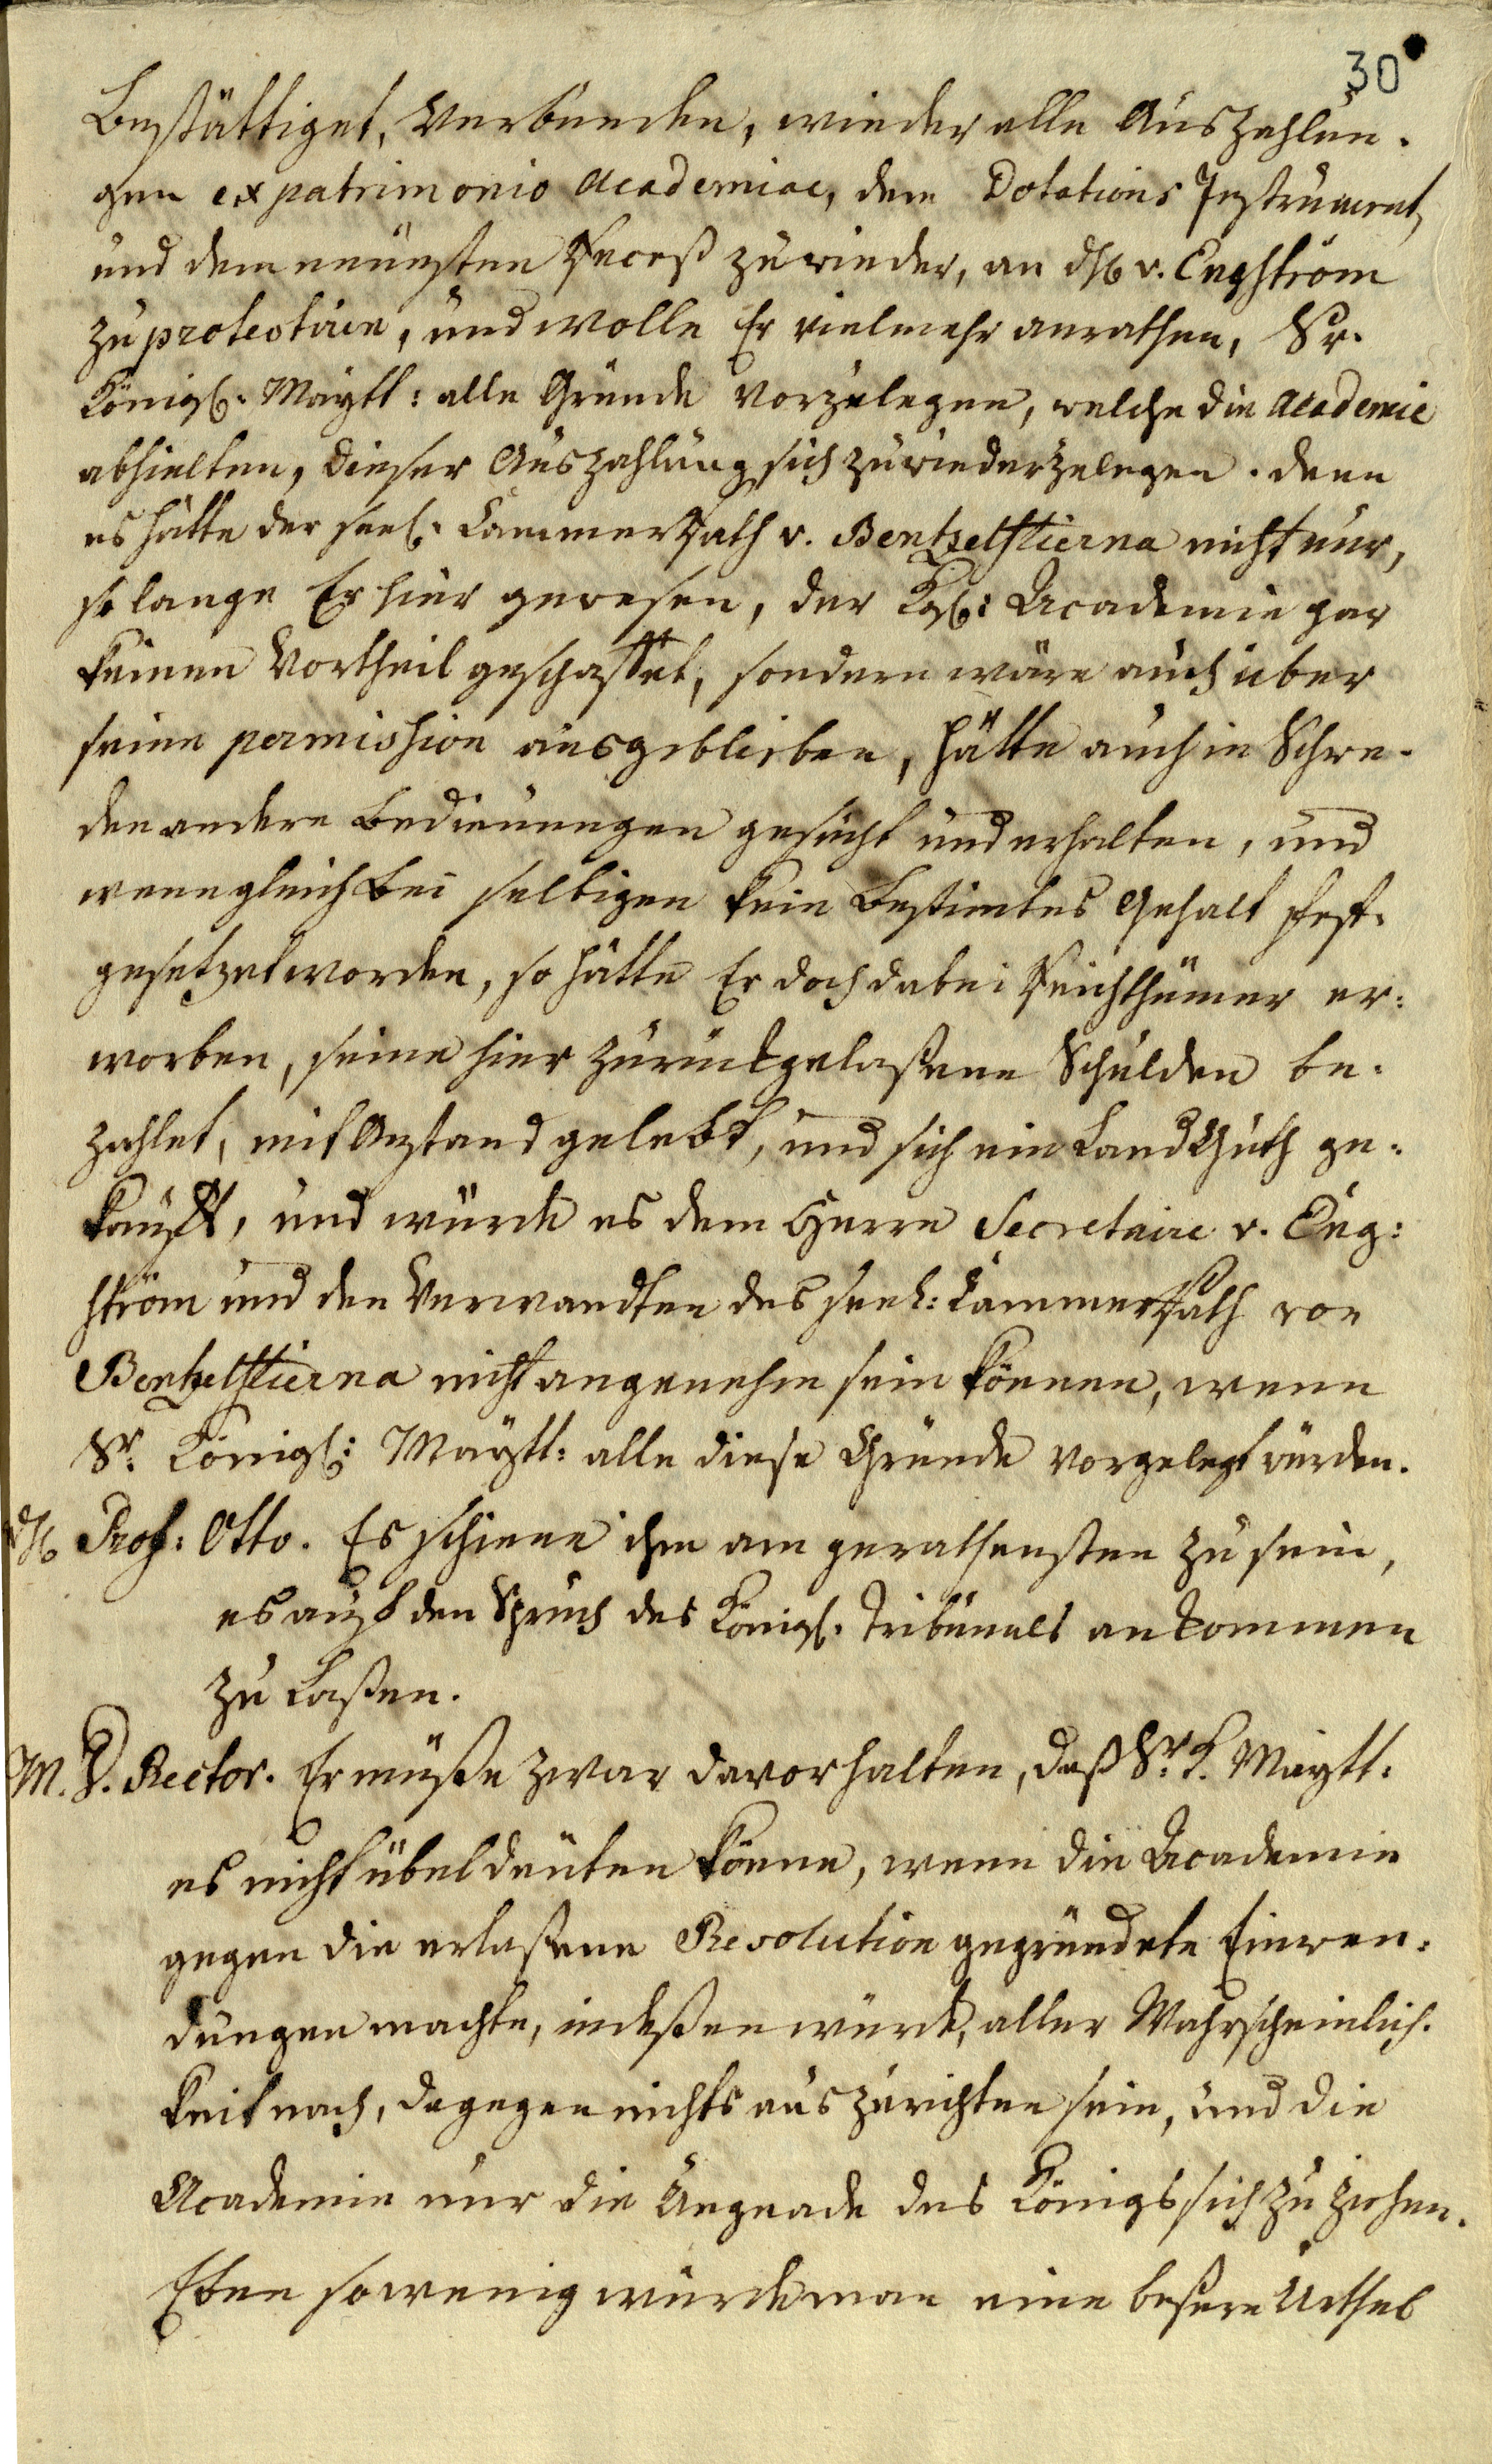bestättiget, verbunden wieder alle Auszahlun¬
gen ex patrimonio Academiae, dem Dotations Instrument,
und dem neuesten Receß zuwieder, an dh v. Engström
zu protestiren, und wolle Er vielmehr anrathen, Sr.
Königl. Maÿtt. alle Gründe vorzulegen, welche die Academie
abhielten, dieser Auszahlung sich zuwiederzulegen. Denn
es hätte der seel. CammerRath v. Bentzelstierna nicht nur,
so lange Er hier gewesen, der Kgl. Academie gar
keinen Vortheil geschaffet, sonder wäre auch über
seine permission ausgeblieben, hätte auch in Schwe¬
den andere Bedingungen gesucht und erhalten, und
wenn gleich bei selbigen kein bestimtes Gehalt fest¬
gesetzet worden, so hätte Er doch dabei Reichthümer er¬
worben, seine hier zurückgelaßene Schulden be¬
zahlet, mit Anstand gelebt, und sich ein Landguth ge¬
kauft, und würde es dem Herrn Secretaire v. Eng¬
srtöm und den Verwandten des seel. CammerRath von
Bentzelstierna nicht angenehm sein können, wenn
Sr. Königl. Maÿtt. alle diese Gründe vorgelegt würden.
dh Prof. Otto. Es schiene ihm am gerathensten zu sein,
es auf den Spruch de Königl. Tribunals ankommen
zu laßen.
M. D. Rector. Er müße zwardavor halten, daß Sr.K. Maÿtt.
es nicht übel deuten könne, wenn die Academie
gegen die erlaßene Resolution gegründete Einwen¬
dungen machte, indeßen würde aller Wahrscheinlich¬
keit nach, dagegen nichts auszurichtensein, und die
Academie nur die Ungnade des Königs sich zuziehen.
Eben sowenig würde man eine beßere Urthel